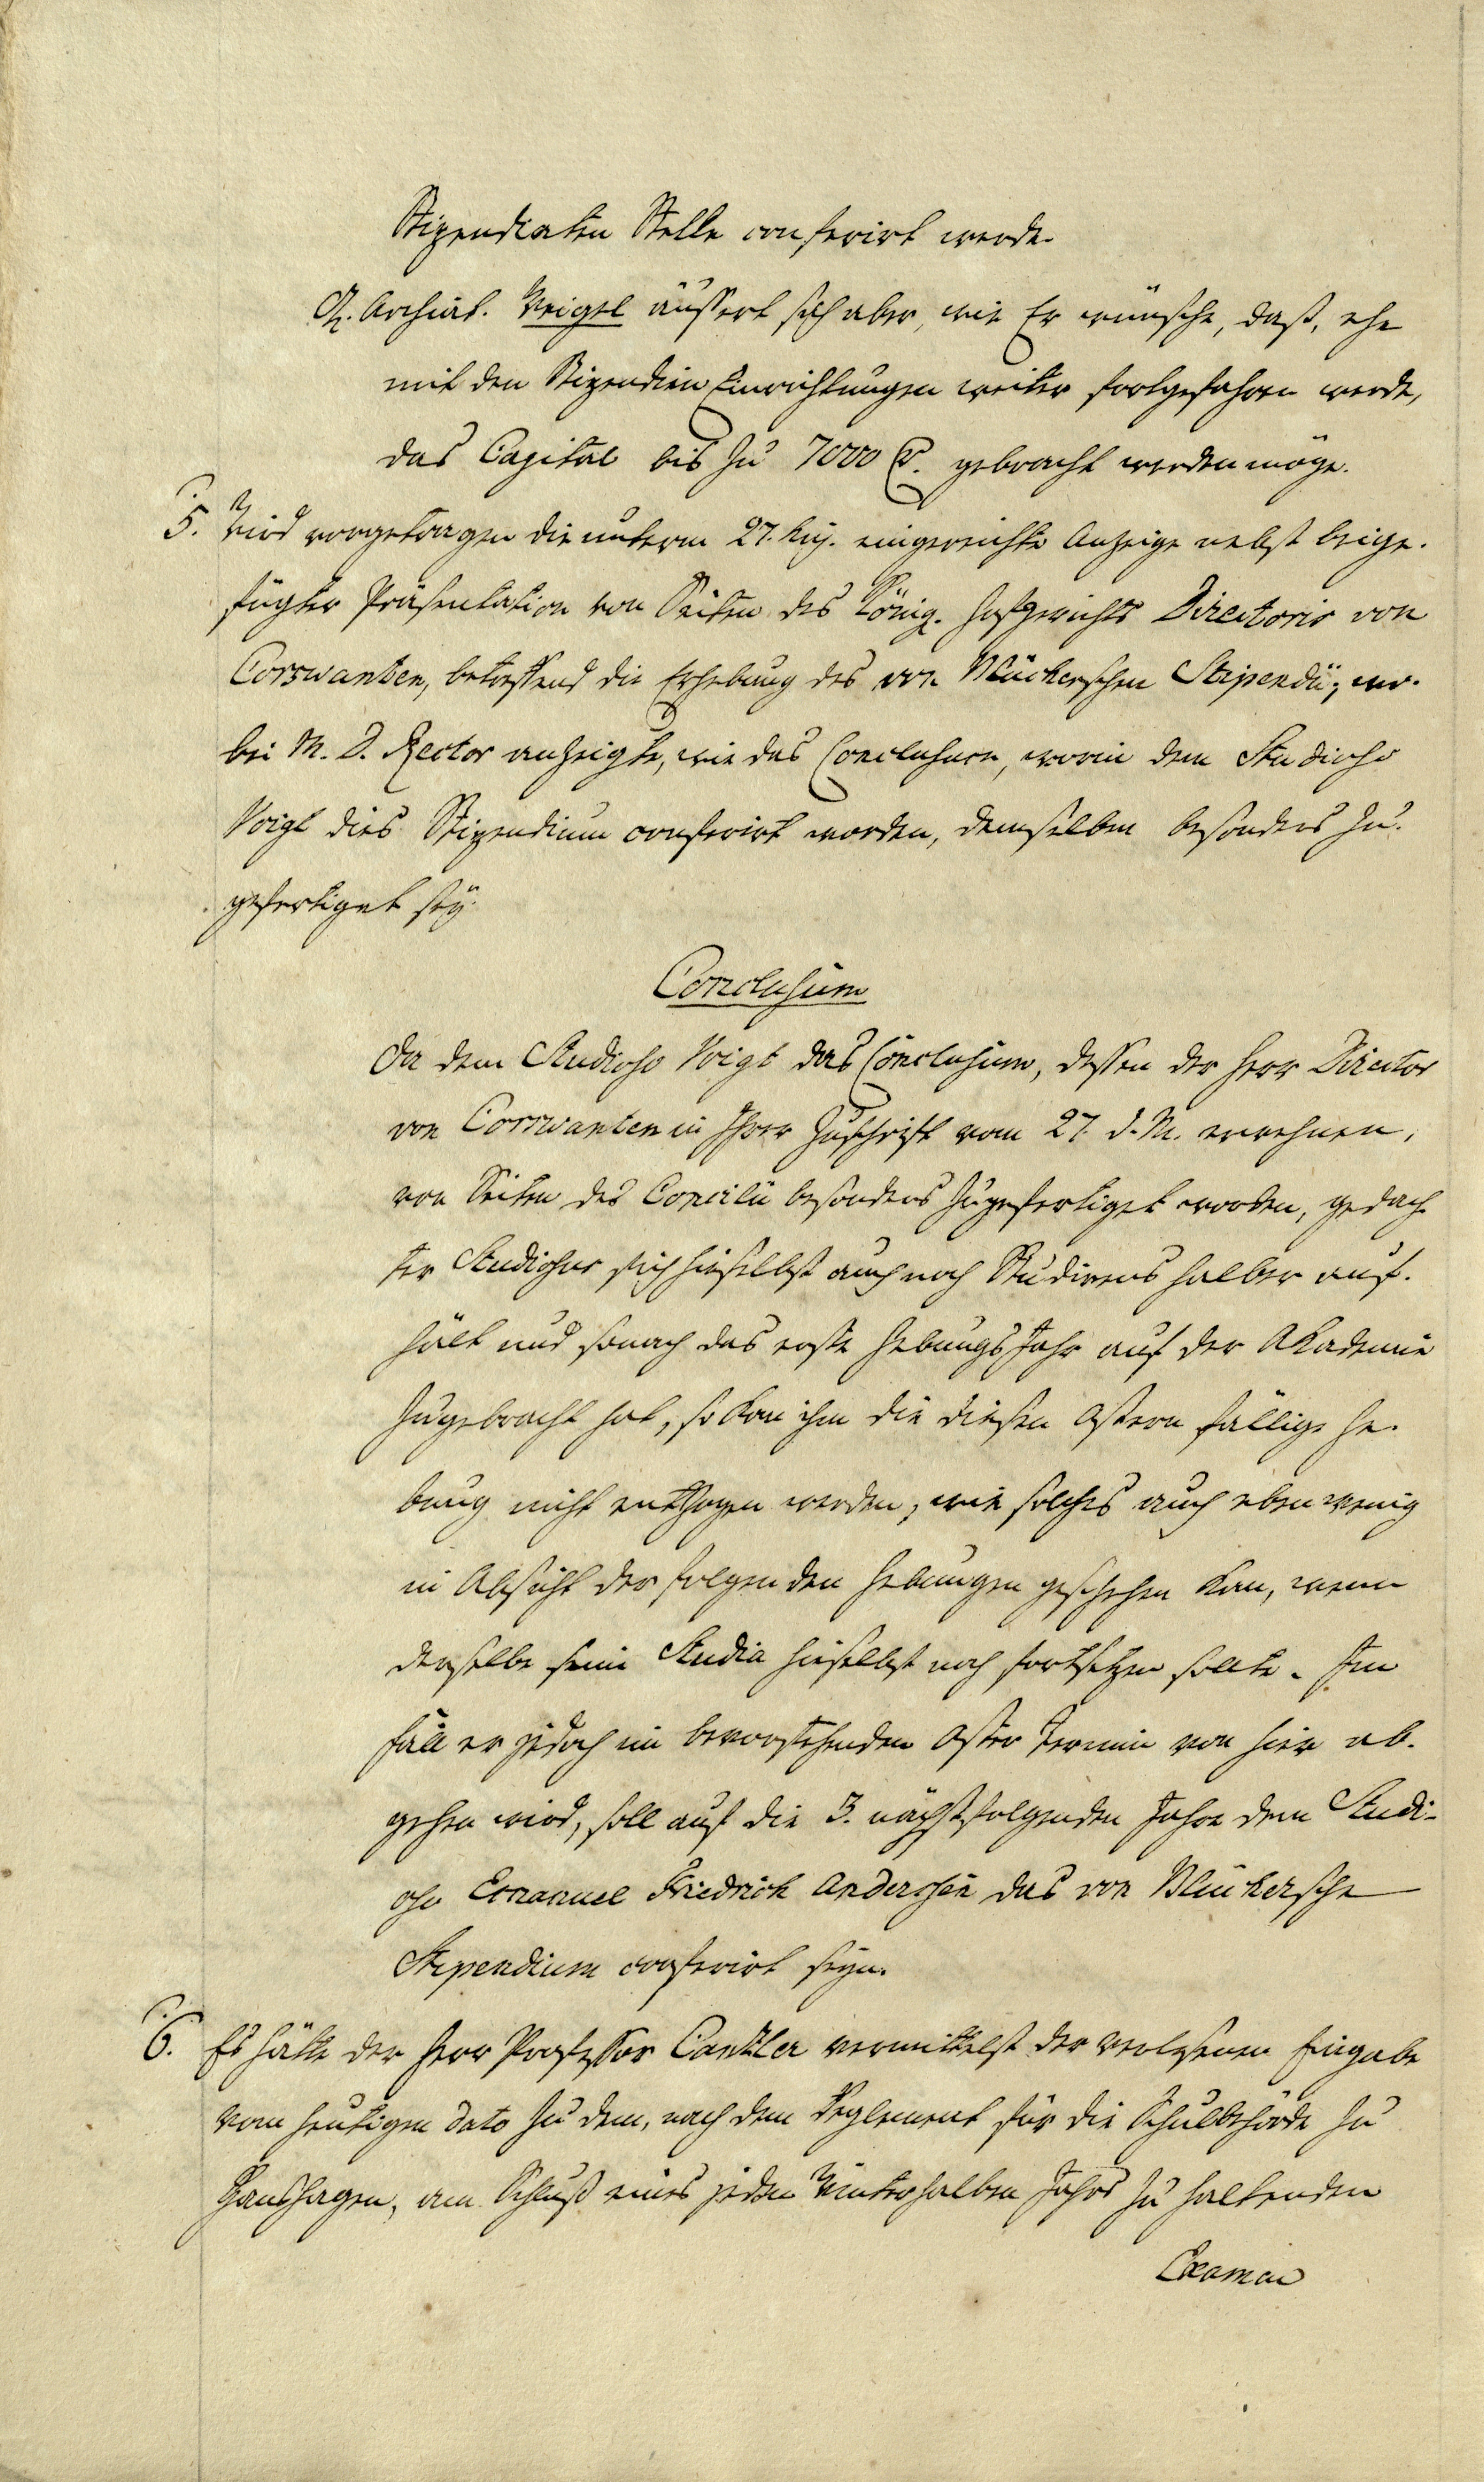Stipendiaten Stelle conferirt werde.
dh. Archiat. Weigel äussert sich aber, wie Er wünsche, daß, ehe
mit den Stipendien Einrichtungen weiter fortgefahren werde,
das Capital bis zu 7000 l. gebracht werden möge.
5. Wird vorgetragen die unterm 27. huj. eingereichte Anzeige nebst beige¬
fügter Präsentation von Seiten des König. Hofgerichts Directoris von
Corswanten, betreffend die Erhebung des von Blücherschen Stipendii, wo¬
bei M. D. Rector anzeigte, wie das Conclusum, worin dem Studioso
Voigt dies Stipendium conferirt worden, demselben besonders zu¬
gefertiget seÿ.
Conclusum
Da dem Studioso Voigt das Conclusum, dessen der Herr Director
von Corswanten in Ihrer Zuschrift vom 27. d. M. erwehnen,
von Seiten des Concilii besonders zugefertiget worden, gedach¬
ter Studiosus sich hieselbst auch noch Studirens halber auf¬
hält und sonach das erste Hebungs Jahr auf der Akademie
zugebracht hat, so kan ihm die diesen Ostern fällige He¬
bung nicht entzogen werden, wie solches auch eben wenig
in Absicht der folgenden Hebungen geschehen kan, wenn
derselbe seine Studia hieselbst noch fortsetzen sollte. Im
Fall er jedoch in bevorstehenden Oster Termin von hier ab¬
gehen wird, soll auf die 3. nächstfolgenden Jahre dem Studi¬
oso Emanuel Friedrich Anderssen das von Blüchersche
Stipendium conferirt seÿn.
6. Es hätte der Herr Professor Canzler vermittelst der verlesenen Eingabe
vom heutigen dato zu dem, nach dem Reglement für die Schulbehörde zu
Hanshagen, am Schluß eines jeden Winterhalben Jahrs zu haltenden
Examen